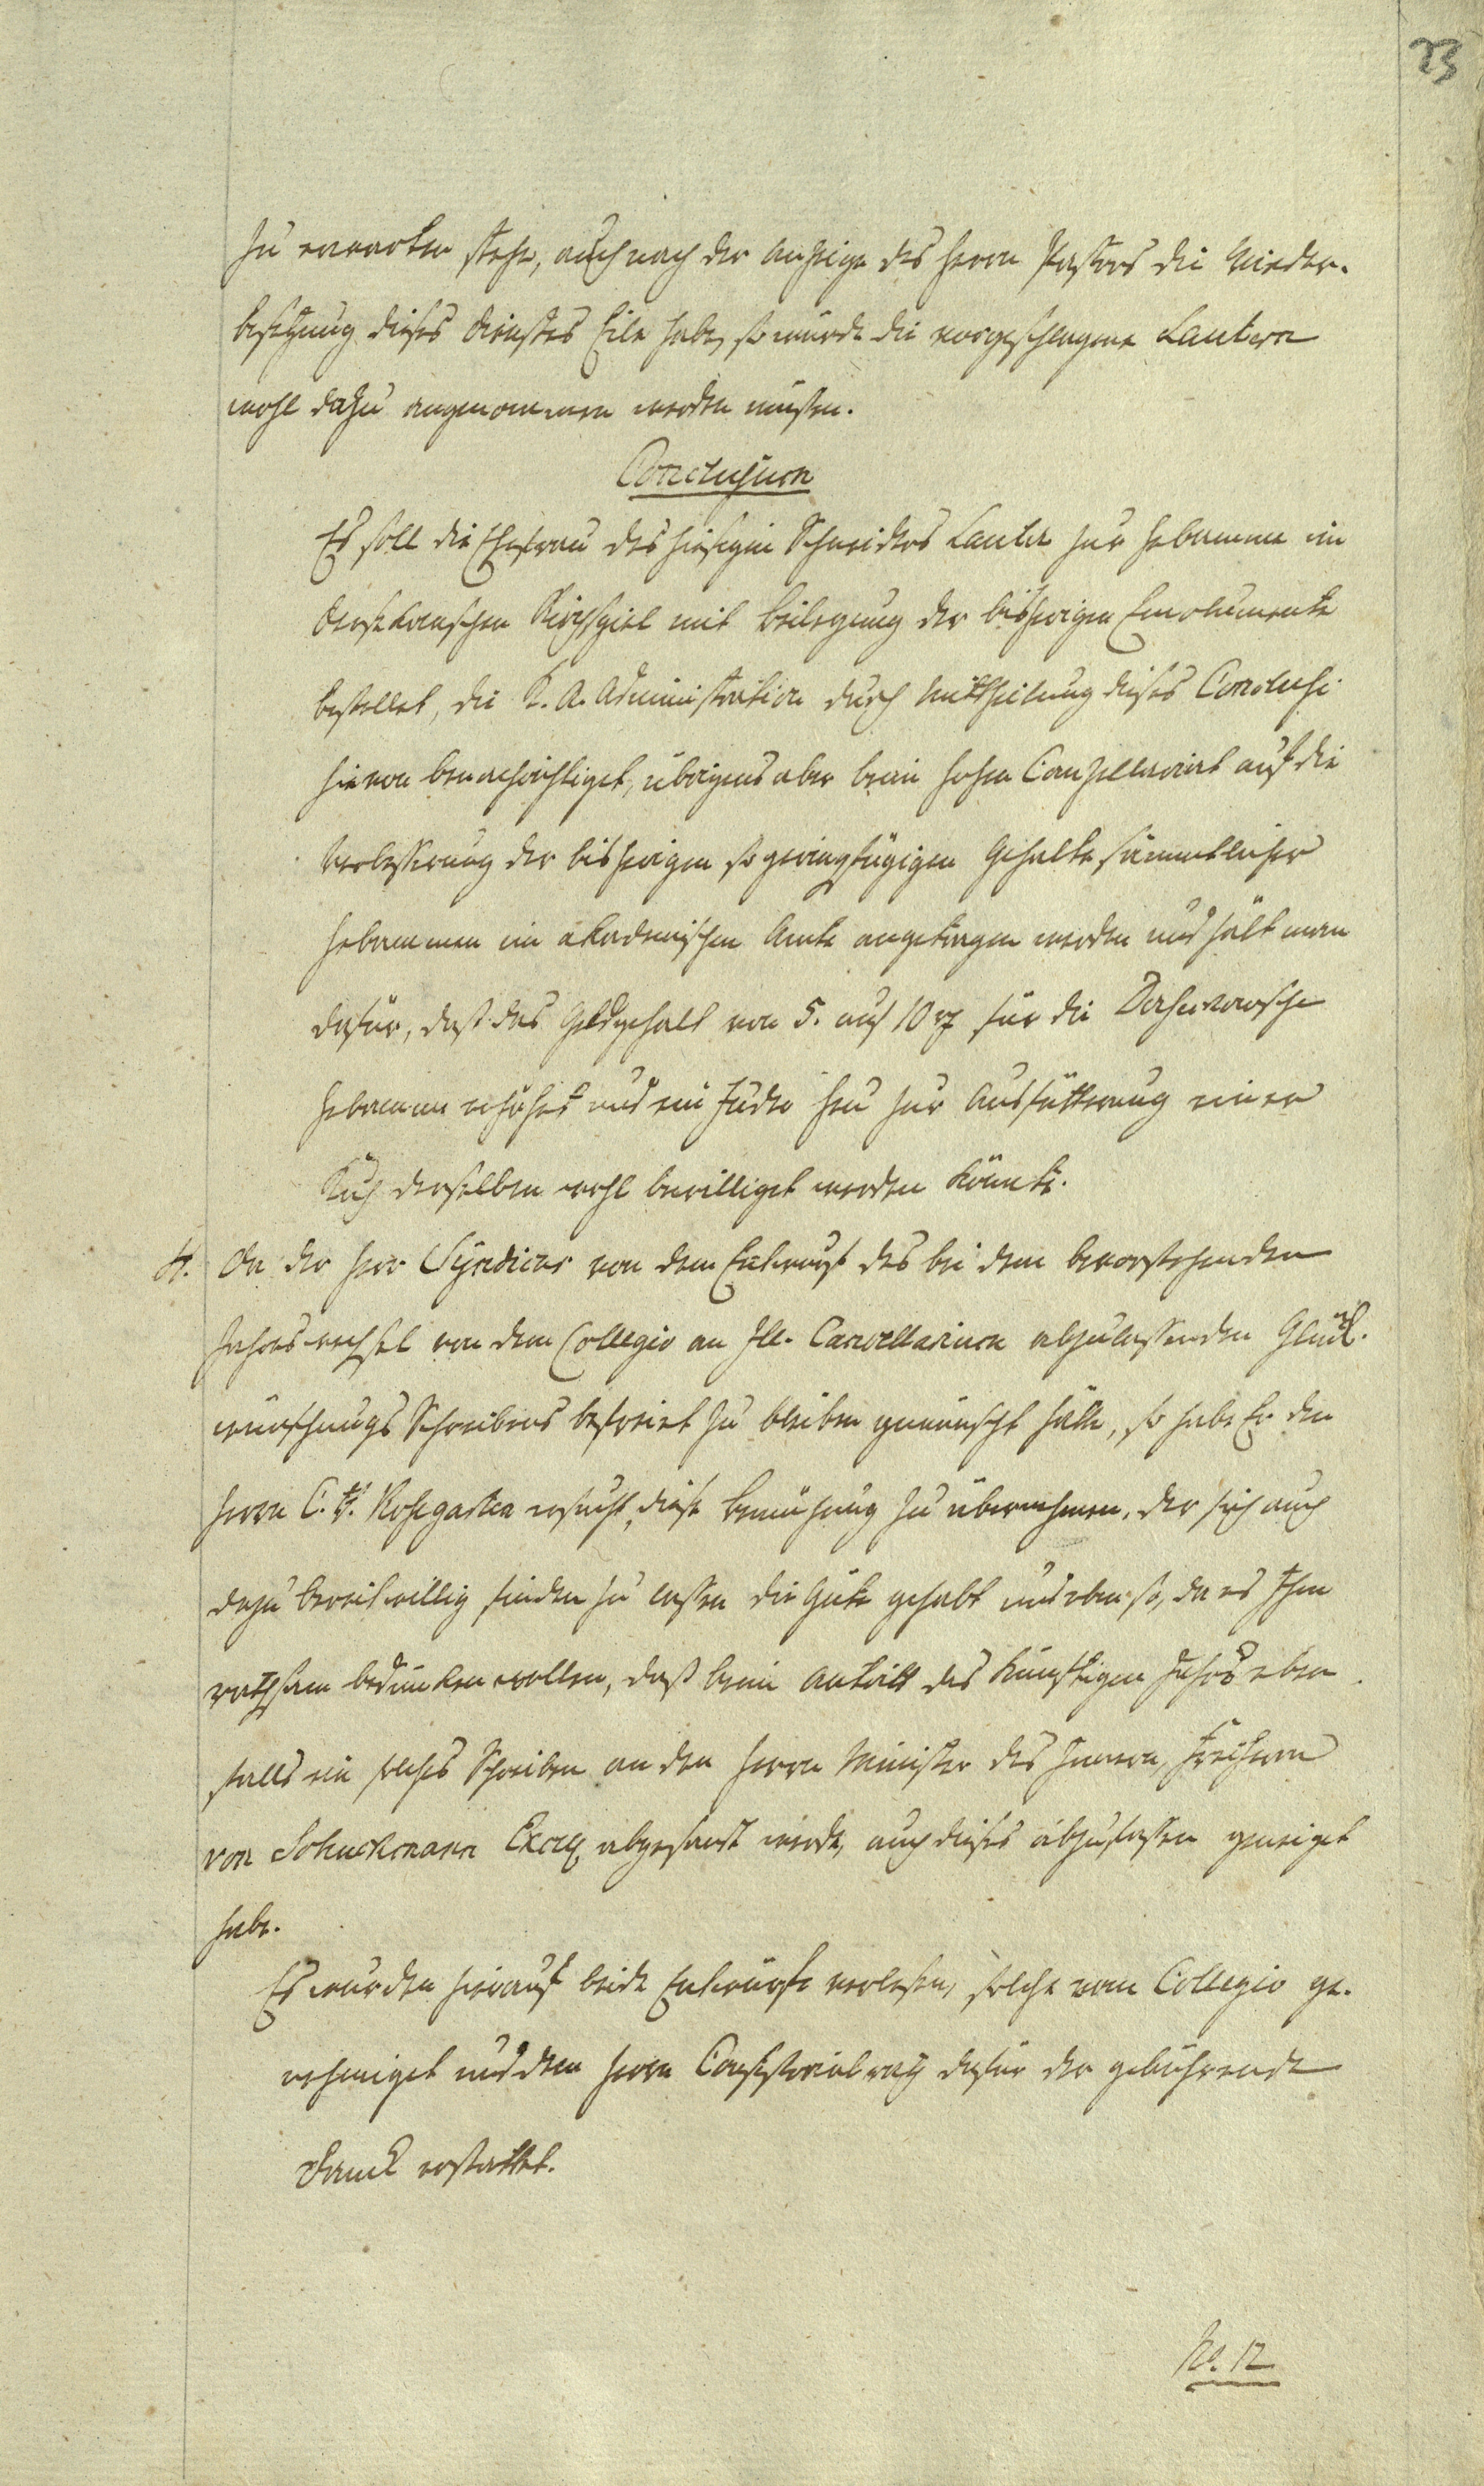zu erwarten stehe, auch nach der Anzeige des Herrn Pastors die Wieder¬
besetzung dieses Dienstes Eile habe, so würde die vorgeschlagene Lautern
wohl dazu angenommen werden müssen.
Conclusum
Es soll die Ehefrau des hiesigen Schneiders Lauter zur Hebamme im
Dersekowschen Kirchspiel mit Beilegung der bisherigen Emolumente
bestellet, die K. A. Administration durch Mittheilung dieses Conclusi
hievon benachrichtiget, übrigens aber beim hohen Canzellariat auf die
Verbesserung der bisherigen so geringfügigen Gehalte sämmtlicher
Hebammen im akademischen Amte angetragen werden und hält man
dafür, daß des Gedgehalt von 5. auf 10 rt für die Dersekowsche
Hebamme erhöhet und ein Fuder Heu zur Ausfütterung einer
Kuh derselben wohl bewilliget werden könnte.
4. Da der Herr Sÿndicus von dem Entwurf des bei dem bevorstehenden
Jahreswechsel von dem Collegio an Ill. Cancellarium abzulassenden Glück¬
wünschungs Schreibens befreiet zu bleiben gewünscht hätte, so habe Er den
Herrn C. R. Kosegarten ersucht, diese Bemühung zu übernehmen, der sich auch
dazu bereitwillig finden zu lassen die Güte gehabt und eben so, da es Ihm
rathsam bedünken wollen, daß beim Antritt des künftigen Jahrs eben¬
falls ein solches Schreiben an den Herrn Minister des Innern Freiherrn
von Schuckmann Excell abgesandt werde, auch dieses abzufassen geneiget
habe.
Es wurden hierauf beide Entwürfe verlesen, solche vom Collegio ge¬
nehmiget und dem Herrn Consistorialrath dafür der gebührende
Danck erstattet.
Nº 12